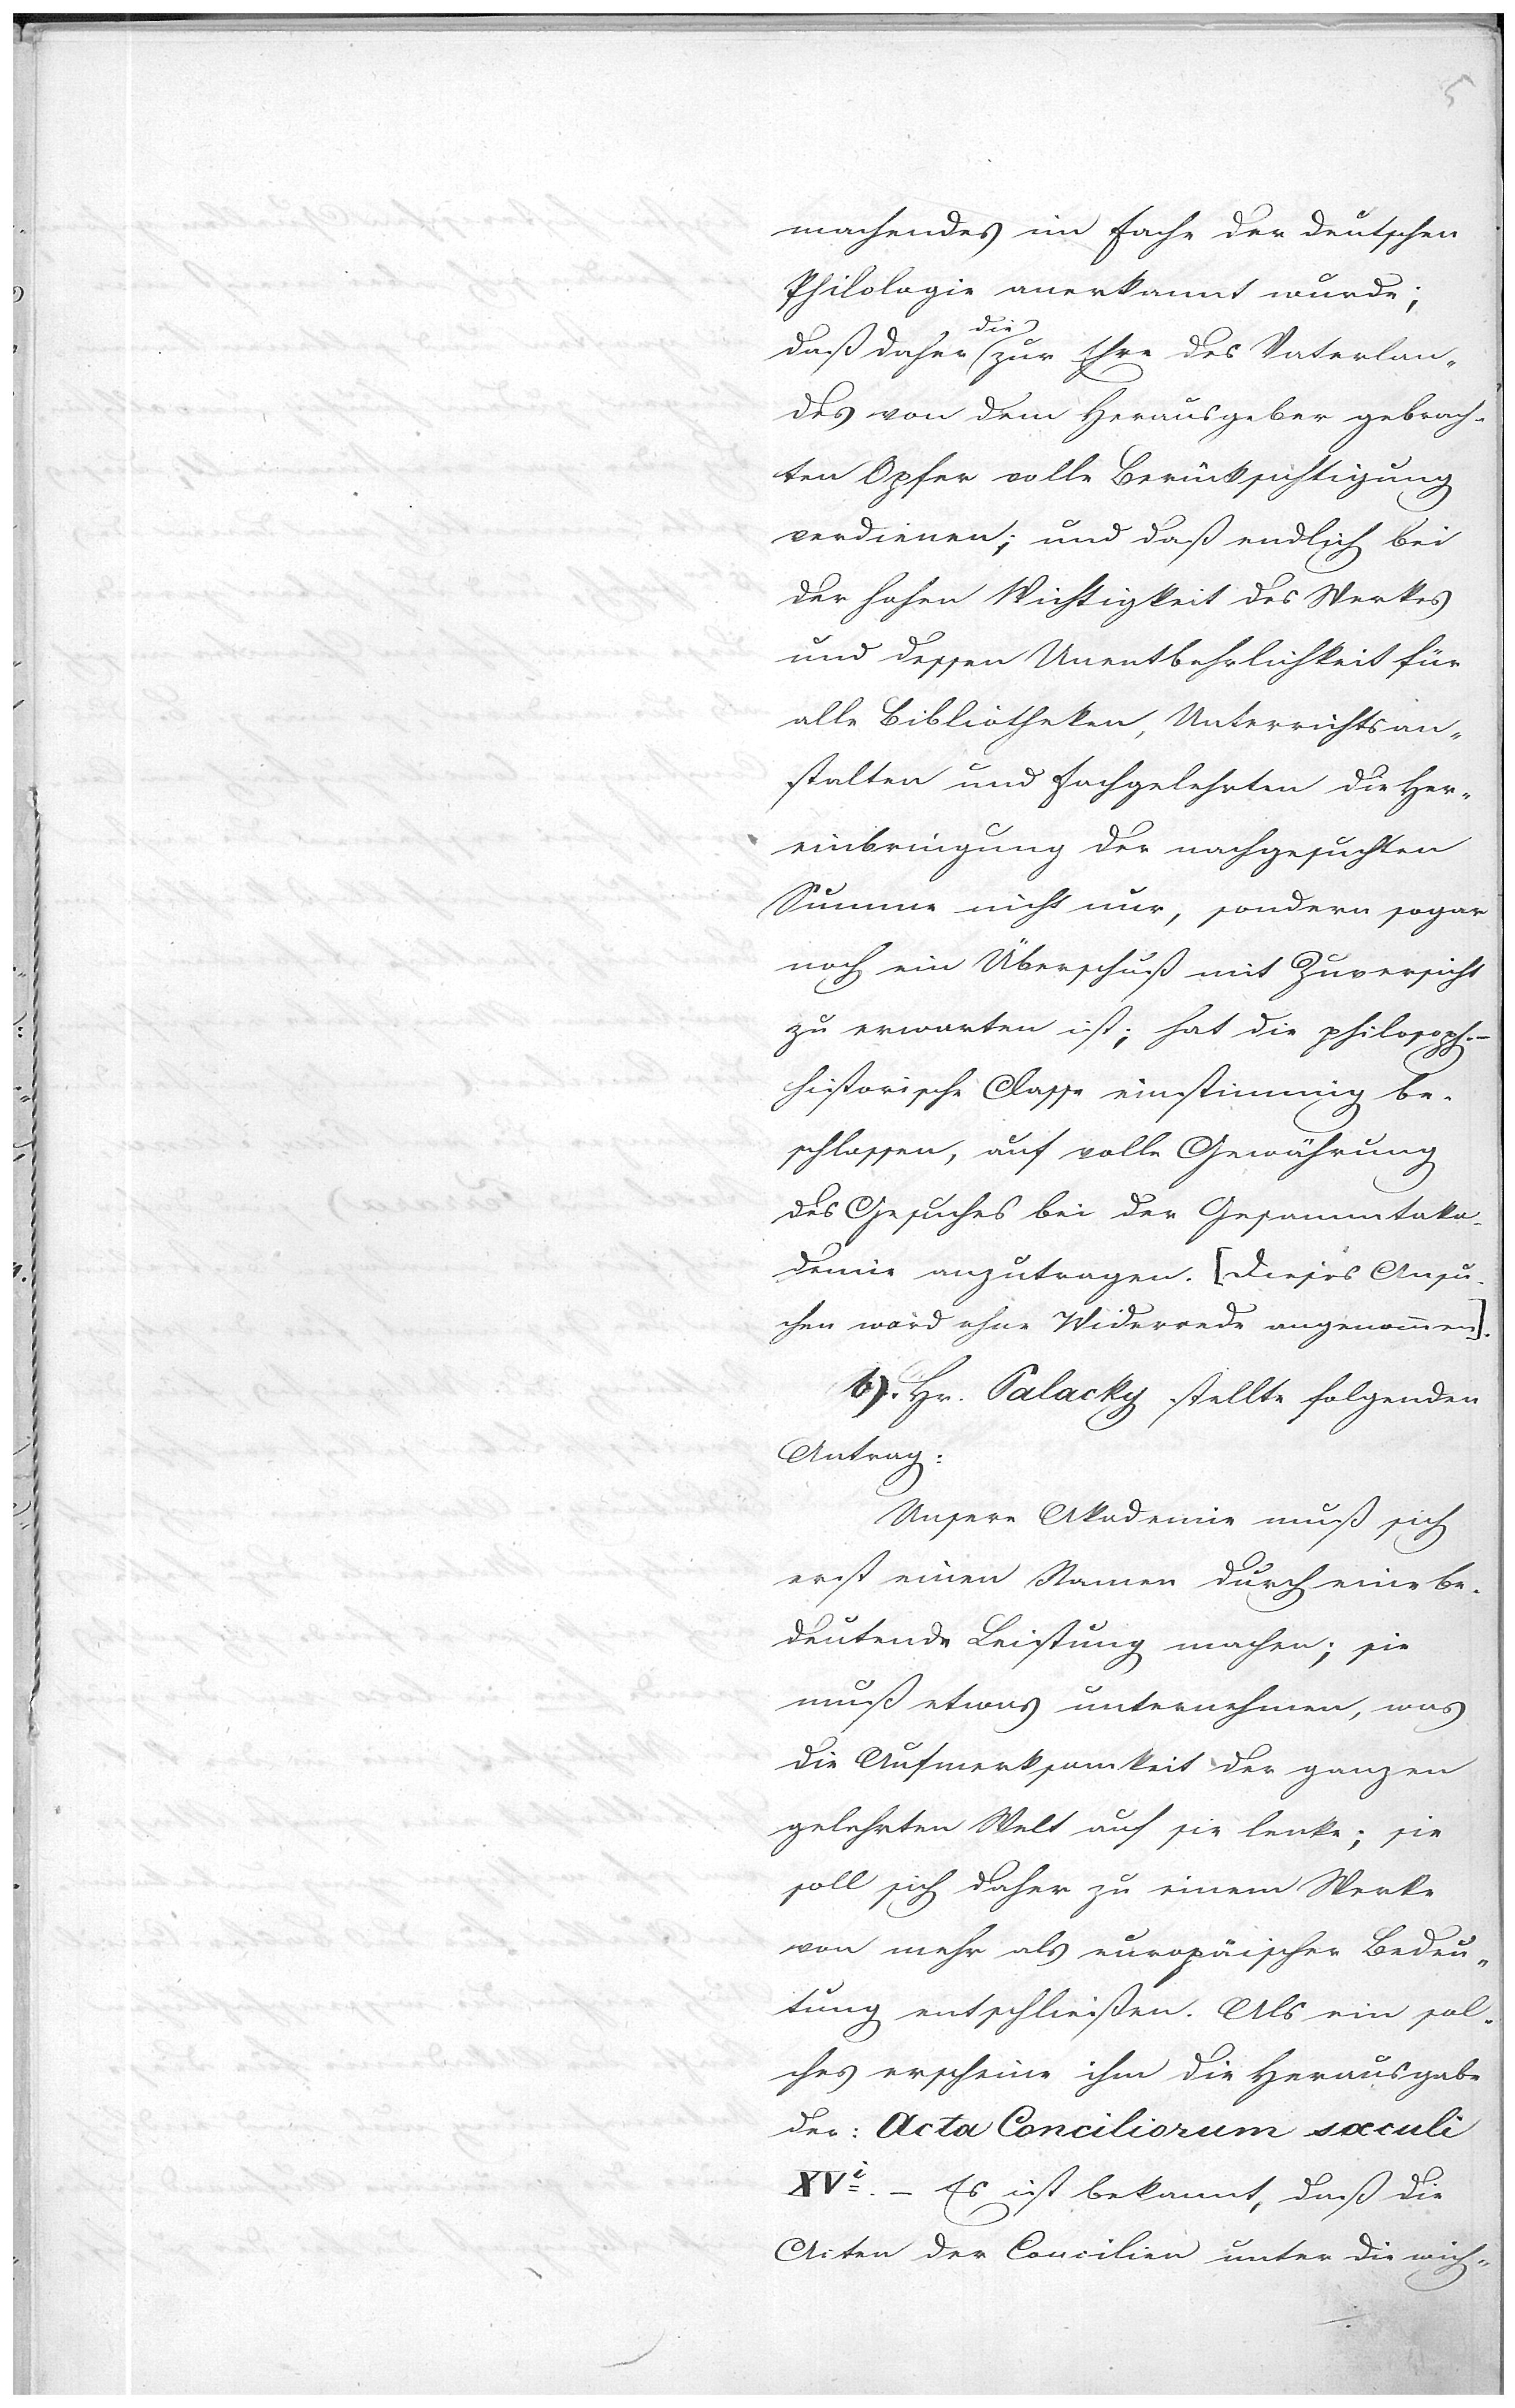machendes im Fache der deutschen
Philologie anerkannt wurde;
daß daher die zur Ehre des Vaterlan-
des von dem Herausgeber gebrach-
ten Opfer volle Berücksichtigung
verdienen; und daß endlich bei
der hohen Wichtigkeit des Werkes
und dessen Unentbehrlichkeit für
alle Bibliotheken, Unterrichtsan-
stalten und Fachgelehrten die Her-
einbringung der nachgesuchten
Summe nicht nur, sondern sogar
noch ein Überschuß mit Zuversicht
zu erwarten ist; hat die philosoph.-
historische Classe einstimmig be-
schlossen, auf volle Gewährung
des Gesuches bei der Gesamtaka-
demie anzutragen. [Dieses Ansu-
chen wird ohne Widerrede angenommen.].
b). Hr. Palacky stellte folgenden
Antrag:
Unsere Akademie muß sich
erst einen Namen durch eine be-
deutende Leistung machen; sie
muß etwas unternehmen, was
die Aufmerksamkeit der ganzen
gelehrten Welt auf sie lenke; sie
soll sich daher zu einem Werke
von mehr als europäischer Bedeu-
lung entschließen. Als ein sol-
ches erscheine ihm die Herausgabe
der Acta Conciliorum saeculi
XVi. -Es ist bekannt, daß die
Acten der Concilien unter die wich-